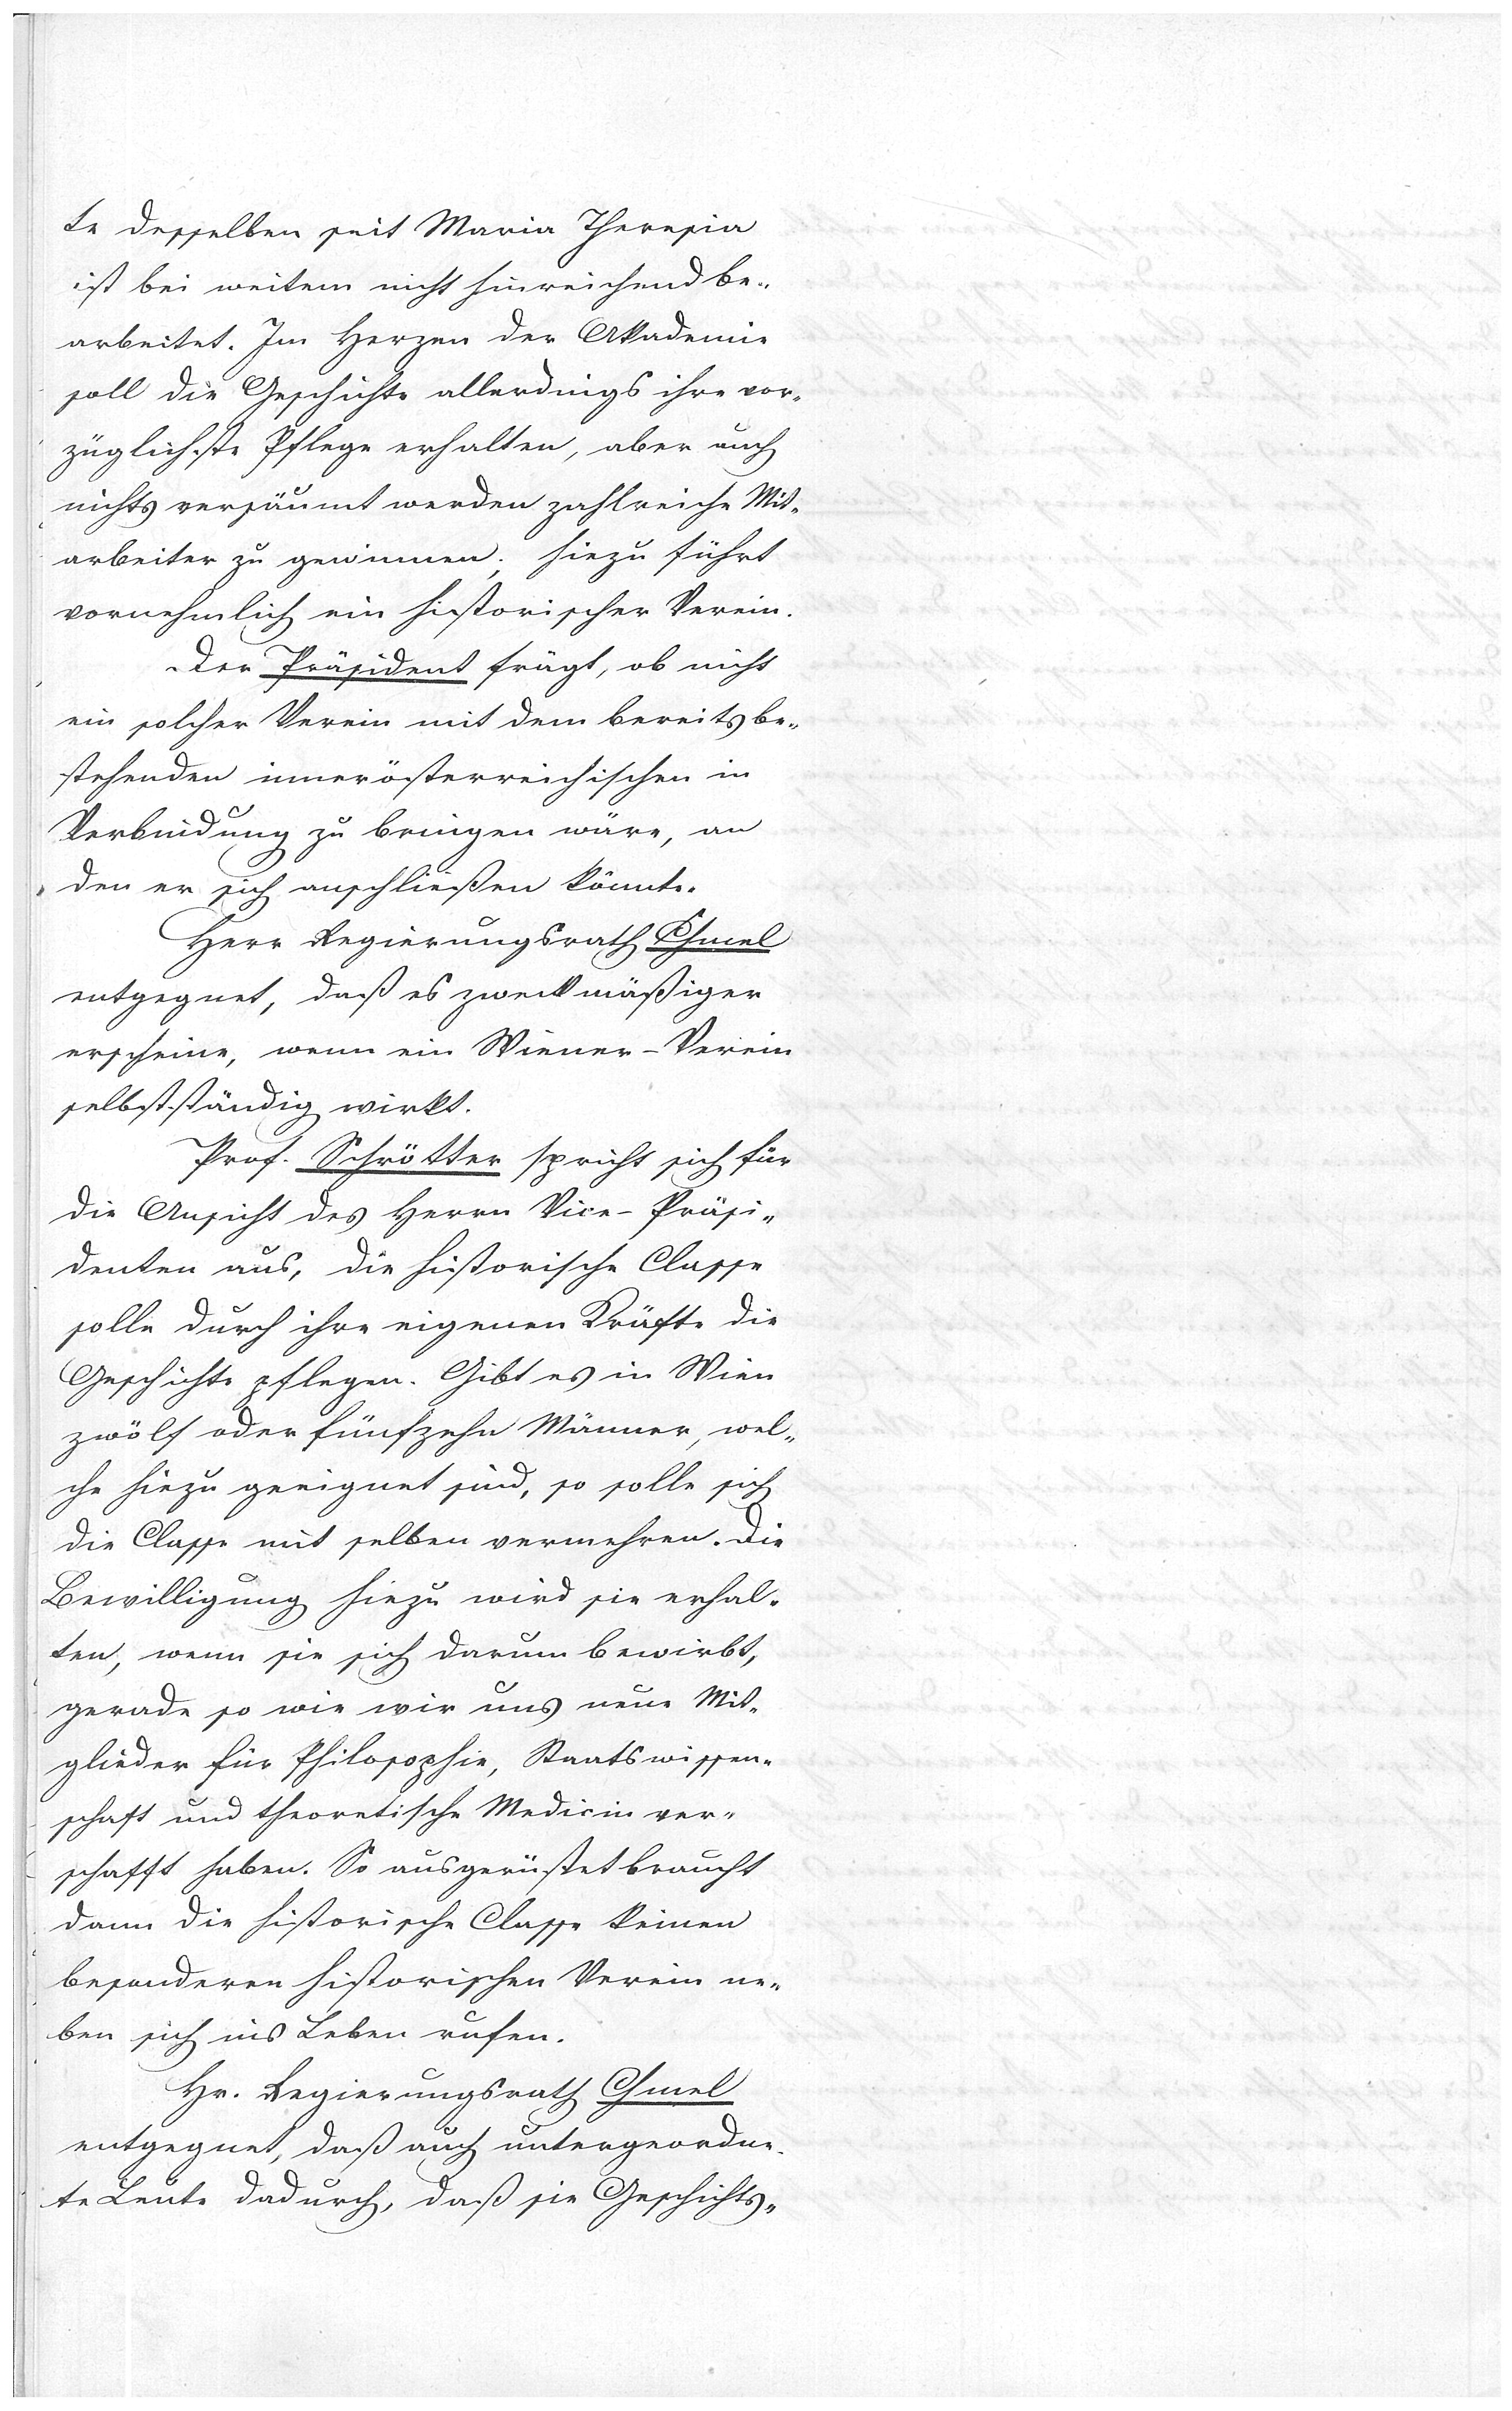te desselben seit Maria Theresia
ist bei weitem nicht hinreichend be-
arbeitet. Im Herzen der Akademie
soll die Geschichte allerdings ihre vor-
züglichste Pflege erhalten, aber auch
nicht versäumt werden zahlreiche Mit-
arbeiten zu gewinnen; hiezu führt
vornehmlich ein historischen Verein.
Der Präsident frägt, ob nicht
ein solcher Verein mit dem bereits be-
stehenden innerösterreichischen in
Verbindlung zu bringen wäre, an
den er sich anschließen könnte.
Herr Regierungsrath Chmel
entgegnet, daß es zweckmäßiger
erscheine, wenn ein Wiener Verein
selbstständig wirkt.
Prof. Schrötter spricht sich für
die Ansicht des Herrn Vice-Präsi-
denten aus, die historische Classe
solle durch ihre eigenen Kräfte die
Geschichte pflegen. Gibt es in Wien
zwölf oder fünfzehn Männer, wel-
che hiezu geeignet sind, so solle sich
die Classe mit selben vermehren. Die
Bewilligung hiezu wird sie erhal-
ten, wenn sie sich darum bewirbt,
gerade so wie wir uns neue Mit-
glieder für Philosophie, Staatswissen-
schaft und theoretische Medicin ver-
schafft haben. So ausgerüstet braucht
dann die historische Classe keinen
besonderen historischen Vereine ne-
ben sich ins Leben rufen.
Hr. Regierungsrath Chmel
entgegnet, daß auf untergeordne-
te Leute dadurch, daß sie Geschichts-